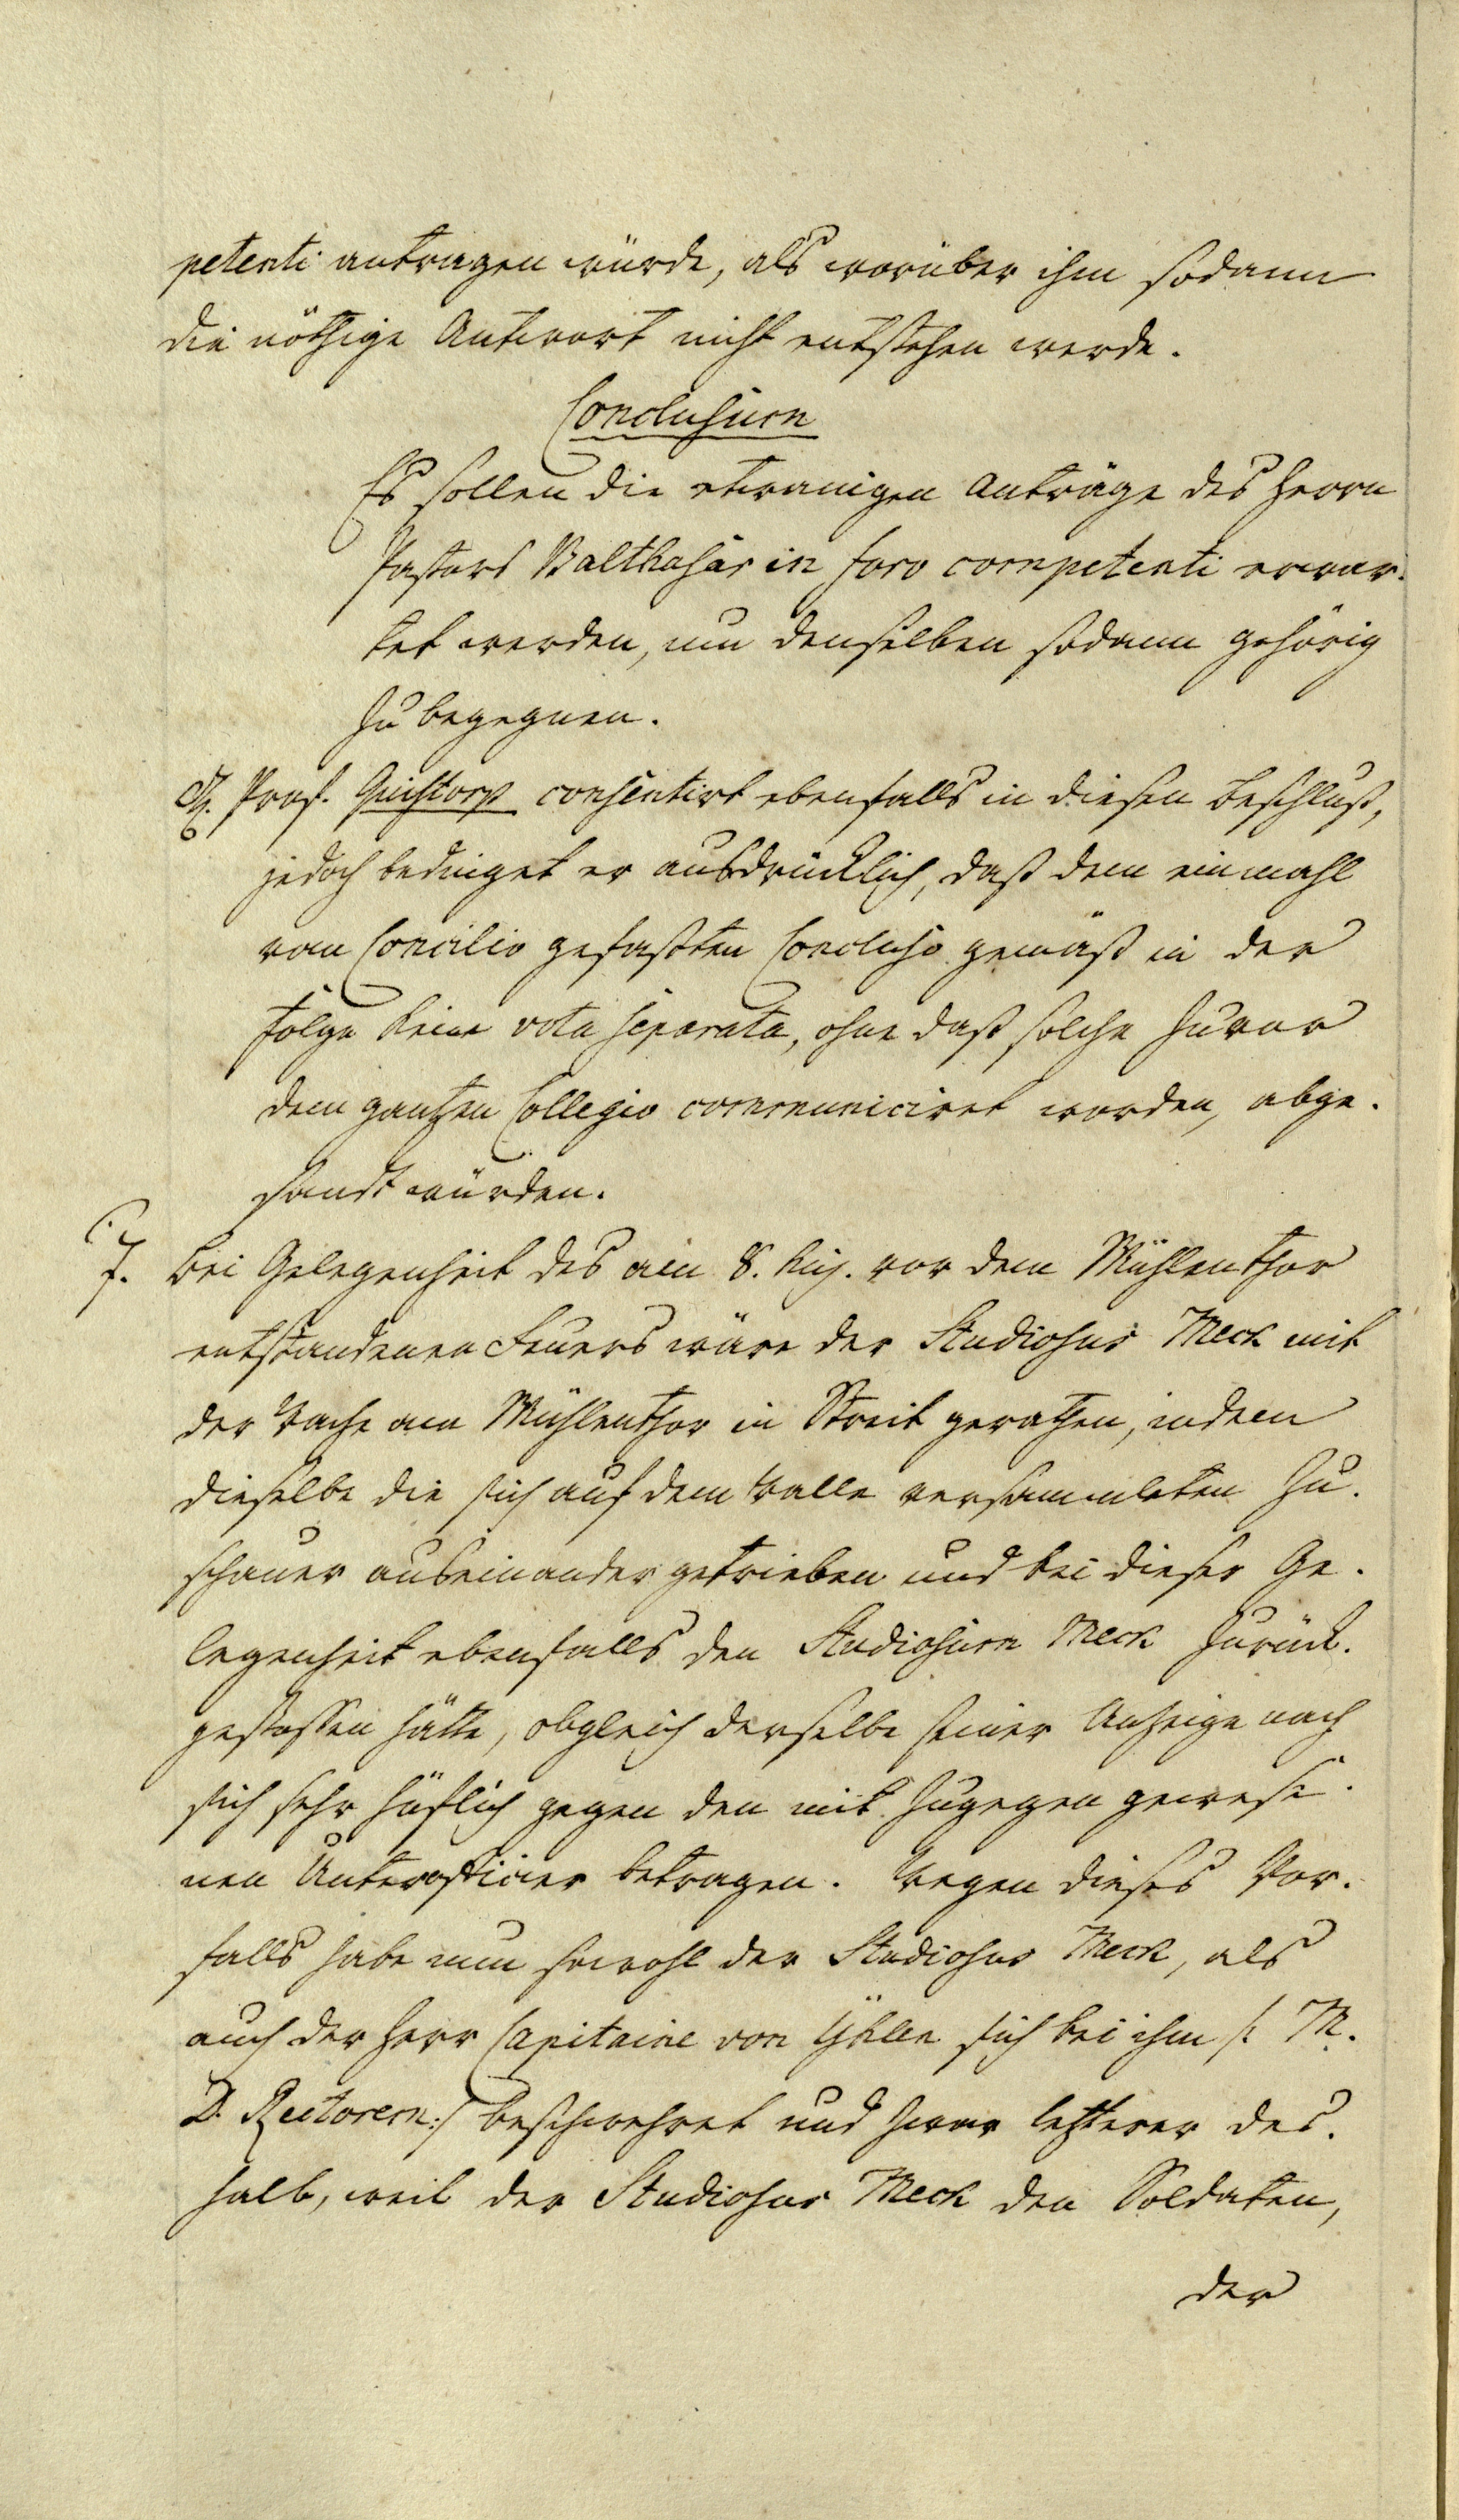petenti antragen würde, als worüber ihm sodann
die nöthige Antwort nicht entstehen werde.
Conclusum
Es sollen die etwanigen Anträge des Herrn
Pastors Balthasar in foro competenti erwar¬
tet werden, um denselben sodann gehörig
zu begegnen.
dh. Prof. Quistorp consentirt ebenfalls in diesen Beschluß,
jedoch bedinget er ausdrücklich, daß dem einmahl
vom Concilio gefaßten Concluso gemäß in der
Folge keine vota separata, ohne daß solche zuvor
dem ganzen Collegio communiciret worden, abge¬
sandt würden.
7. Bei Gelegenheit des am 8. huj. vor dem Mühlenthor
entstandenen Feuers wäre der Studiosus Meck mit
der Wache am Mühlenthor in Streit gerathen, indem
dieselbe die sich auf dem Walle versammleten Zu¬
schauer auseinander getrieben und bei dieser Ge¬
legenheit ebenfalls den Studiosum Meck zurück¬
gestossen hätte, obgleich derselbe seiner Anzeige nach
sich sehr höflich gegen den mit zugegen gewese¬
nen Unterofficier betragen. Wegen dieses Vor¬
falls habe nun sowohl der Studiosus Meck, als
auch der Herr Capitaine von Ÿhlen sich bei ihm /: M.
D. Rectore :/ beschwehret und zwar letzterer des¬
halb, weil der Studiosus Meck den Soldaten,
der